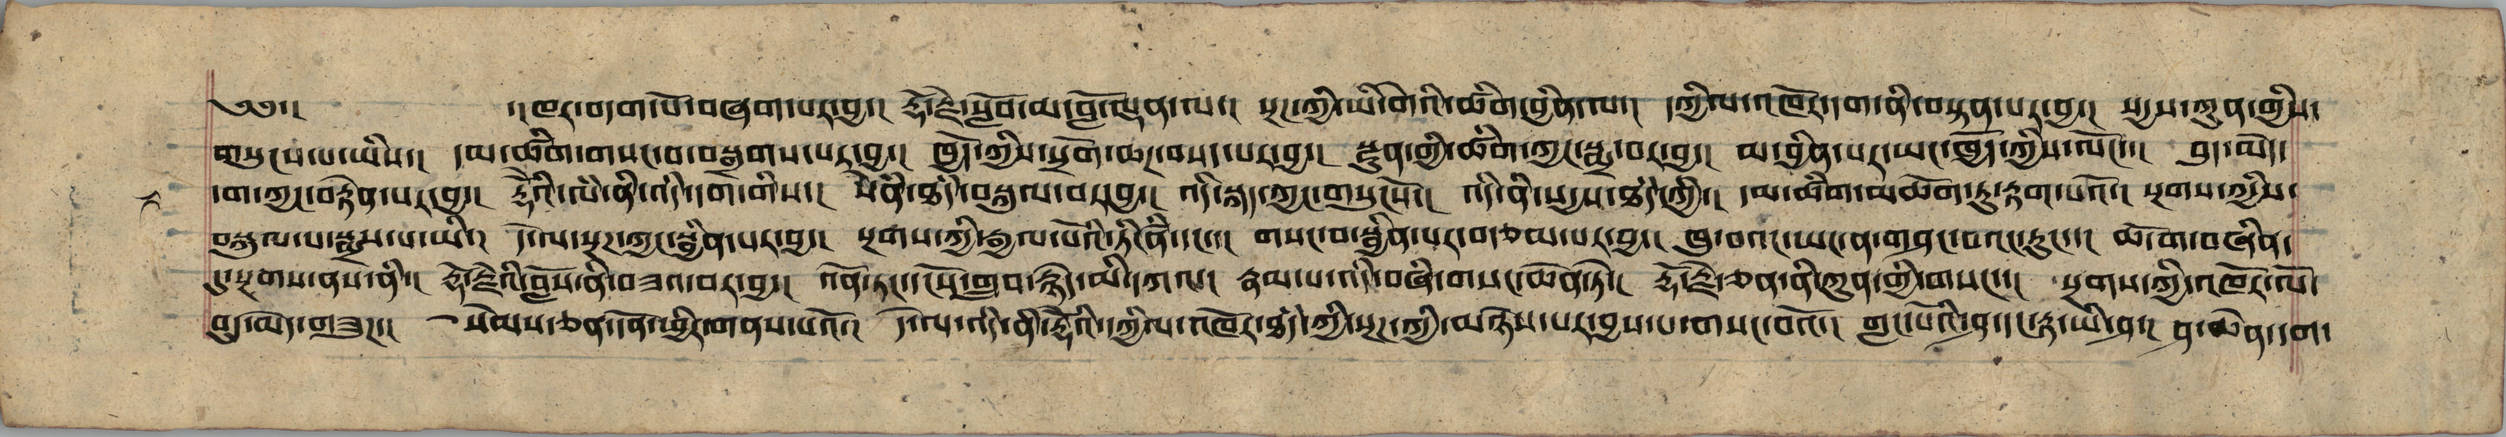༄༅་། ་།ཁར་བདག་པོ་བཞག་པར་བྱ་། རྡོ་རྗེ་སློབ་མ་བློ་ལྡན་ལ་། སྔཌ་ཀྱི་ཡི་གེའི་ཚིག་བྱིན་ལ་། དཀྱིལ་འཁོར་དག་ནི་བསྟན་པར་བྱ་། སདྱས་ཀུན་གྱིས་
གསུངས་པ་ཡིས་། དམ་ཚིག་གསང་བ་བསྒུགས་པར་བྱ་། ཁྱོད་ཀྱིས་སྲོག་ཆཌ་བསད་པར་བྱ་། སྫུན་གྱི་ཚིག་ཀྱང་སྨྲ་བར་བྱ་། མ་བྱིན་པར་ཡང་ཁྱོད་ཀྱིས་ལོང་་། བུད་མེད་
དག་ཀྱང་བརྟེན་པར་བྱ་། རྡོེའི་ལཾ་ནི་འདི་དག་གིས་། སེཾན་ཐདཾ་བསྐུལ་བར་བྱ་། འདི་སྐད་ཀྱང་གསུངསོ་། འདི་ནི་སདྱས་ཐདཾ་ཀྱི་། དམ་ཚིག་མཆོག་ཏུ་རྟག་པའོ་། སྔགས་ཀྱིས་
བསྐུལ་པ་སྨྲས་པ་ཡི་། དེ་ལ་སྔཌ་ཀྱང་སྦྱིན་པར་བྱ་། སྔགས་ཀྱི་རྒྱལ་པོའི་ཏིངཛིན་དང་་། གསང་བ་སྦྱིན་པར་བརྩམ་པར་བྱ་། ཁུ་བའང་ཡང་ན་གཤང་བའང་རུང་་། ཆོ་ག་བཞིན་
དུ་སྔགས་ནས་ནི་། རྡོ་རྗེའི་བློས་ནི་བཟའ་བར་བྱ་། འོན་ཏང་དངོས་གྲུབ་རྙེད་མི་དཀའ་། རྣམ་པ་འདི་བཞི་གསང་ཆེན་ཏེ་། རྡོ་རྗེ་ཅན་ནི་ཀུན་གྱི་གསང་་། སྔགས་ཀྱི་འཁོར་ལོ་
བུད་མེད་གཟུཌ་། སེམས་ཅན་དོན་ཕྱིར་གནས་པའོ་། དེ་ལ་འདི་ནི་རྡོེའི་དཀྱིལ་འཁོར་ཐཾད་ཀྱི་སྔཌ་ཀྱི་མཉེས་པར་བྱས་པ་གསང་བའོ་། གླང་པོའི་ཤ་དང་རྟ་ཡི་ཤ་། ཤ་ཆེན་དག་